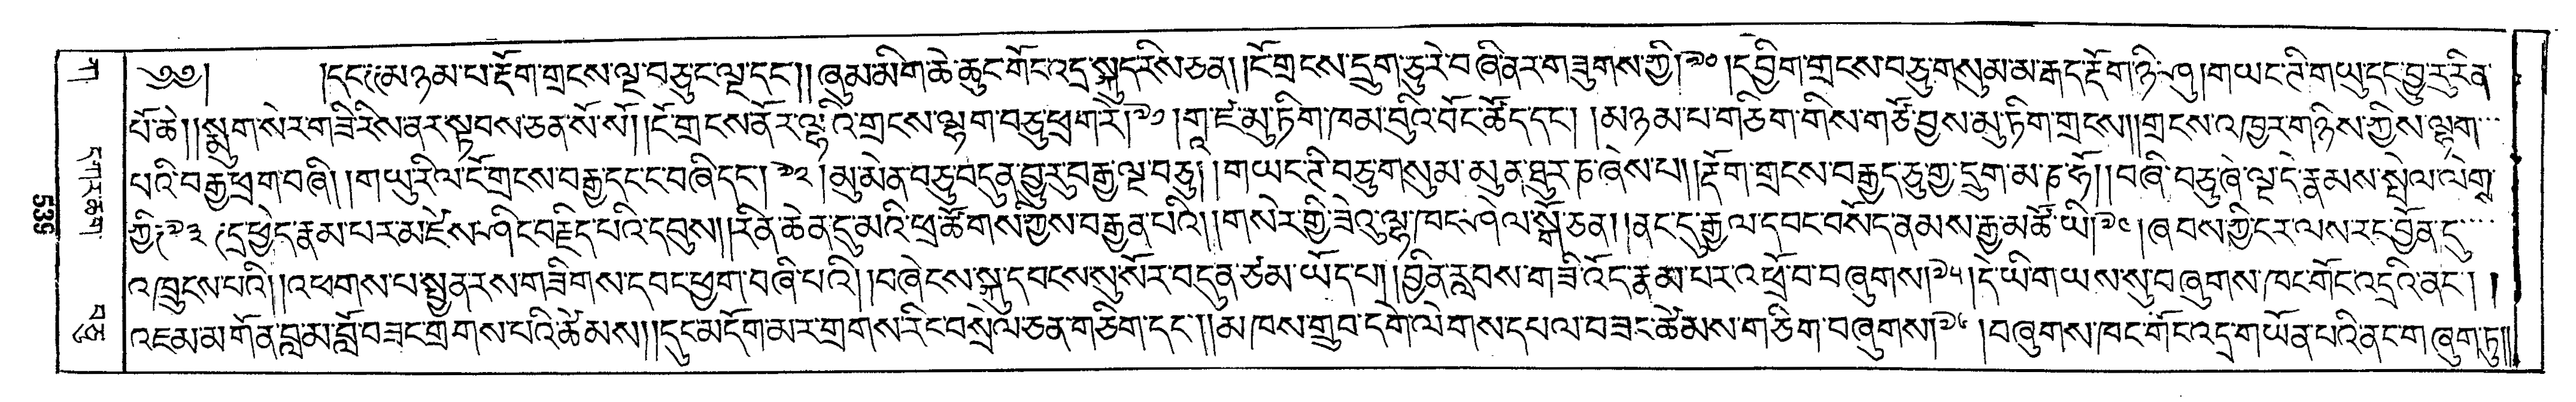༄༅། །དང༑ ༑མཉམ་པ་རྡོག་གྲངས་ལྔ་བཅུང་ལྔ་དང་། །ཞུམ་མིག་ཆེ་ཆུང་གོང་འདྲ་སྐུད་རིས་ཅན། །ངོ་གྲངས་དྲུག་ཅུ་རེ་བཞི་ནར་གཟུགས་ཀྱི། ༧༠་།དབྱིག་གྲངས་བཅུ་གསུམ་མ་རྒད་རྡོག་ཉི་ཤུ། གཡང་ཊི་གཡུ་དང་བྱུ་རུ་རིན་
པོ་ཆེ། །སྨུག་སེར་གཟི་རིས་ནར་སྟབས་ཅན་སོ་སོ། །ངོ་གྲངས་ནོར་ལྷའི་གྲངས་ལྷག་བཅུ་ཕྲག་རེ། ༧༡་།གཱ་ཛ་མུ་ཏིག་ཁམ་བུའི་བོང་ཚོད་དང་། །མཉམ་པ་གཅིག་གིས་གཙོ་བྱས་མུ་ཏིག་གྲངས། །གྲངས་འཁྱར་གཉིས་ཀྱིས་ལྷག་
པའི་བརྒྱ་ཕྲག་བཞི། །གཡུ་རིལ་ངོ་གྲངས་བརྒྱ་དང་ང་བཞི་དང་། ༧༢་།མུ་མེན་བཅུ་བདུན་བྱུ་རུ་བརྒྱ་ལྔ་བཅུ། །གཡང་ཊི་བཅུ་གསུམ་ཨུན་ཐུར་ཎ་ཞེས་པ། །རྡོག་གྲངས་བརྒྱད་ཅུ་གྱ་དྲུག་མཎ་ཧོ། །བཞི་བཅུ་ཞེ་ལྔ་དེ་རྣམས་སྤེལ་ལེགས་
ཀྱི༑ ༧༣་༑དྲ་ཕྱེད་རྣམ་པར་མཛེས་ཤིང་བརྗིད་པའི་དབུས། །རིན་ཆེན་དུ་མའི་ཕྲ་ཚོགས་ཀྱིས་བརྒྱན་པའི། །གསེར་གྱི་ཟེའུ་ལྷ་ཁང་ཤེལ་སྒོ་ཅན། །ནང་དུ་རྒྱལ་དབང་བསོད་ནམས་རྒྱ་མཚོ་ཡི། ༧༤་།ཞབས་ཀྱི་ངར་ལས་རང་བྱོན་དུ་
འཁྲུངས་པའི། །འཕགས་པ་སྤྱན་རས་གཟིགས་དབང་ཕྱག་བཞི་པའི། །བཞེངས་སྐུ་དཔངས་སུ་སོར་བདུན་ཙམ་ཡོད་པ། །བྱིན་རླབས་གཟི་འོད་རྣམ་པར་འཕྲོ་བ་བཞུགས། ༧༥་།དེ་ཡི་གཡས་སུ་བཞུགས་ཁང་གོང་འདྲའི་ནང་། །
འཇམ་མགོན་བླ་མ་བློ་བཟང་གྲགས་པའི་ཚེམས། །དུང་མདོག་མར་གྲགས་རིང་བསྲེལ་ཅན་གཅིག་དང་། །མཁས་གྲུབ་དགེ་ལེགས་དཔལ་བཟང་ཚེམས་གཅིག་པ་བཞུགས། ༧༦་།བཞུགས་ཁང་གོང་འདྲ་གཡོན་པའི་ནང་གཞུག་ཏུ། །